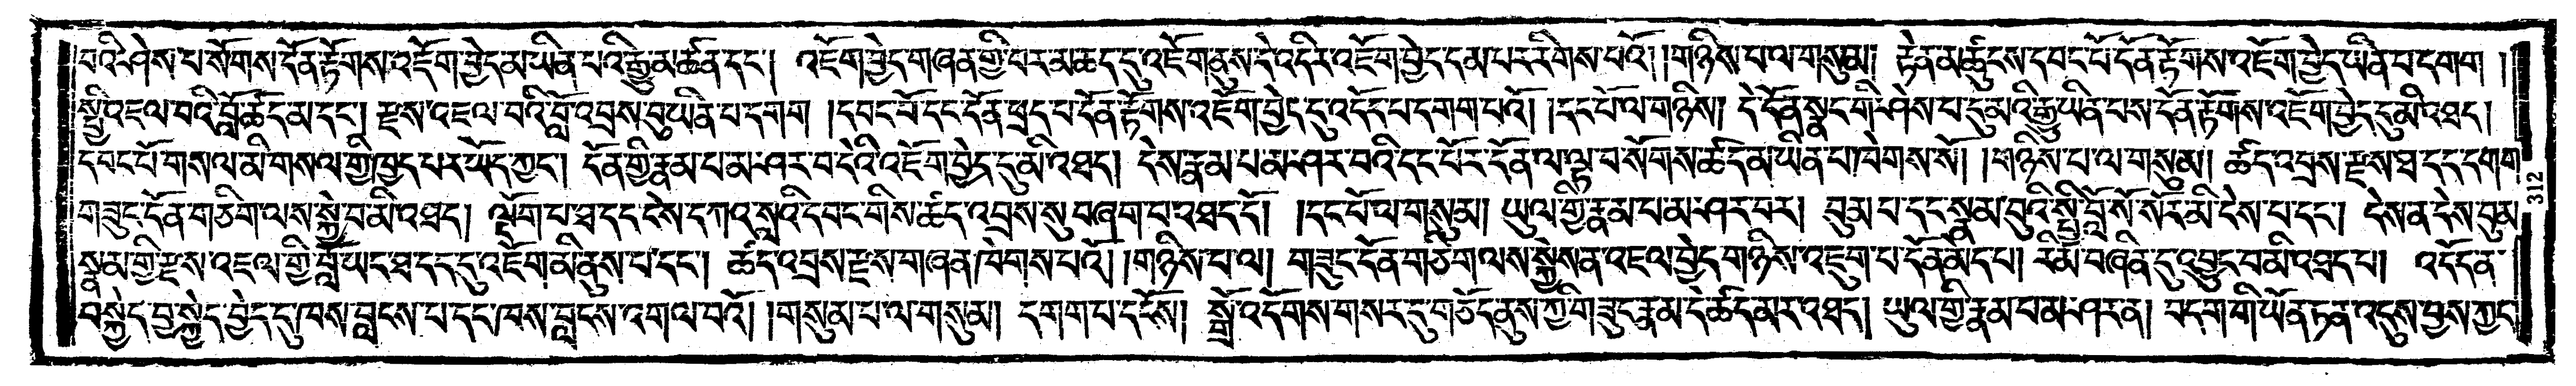བའི་ཤེས་པ་སོགས་དོན་རྟོགས་འཇོག་བྱེད་མ་ཡིན་པའི་རྒྱུ་མཚན་དང་། འཇོག་བྱེད་གཞན་གྱི་བར་མ་ཆད་དུ་འཇོག་ནུས་དེ་འདིར་འཇོག་བྱེད་དམ་པར་རིགས་པའོ། །གཉིས་པ་ལ་གསུམ། རྟེན་མཚུངས་དབང་པོ་དོན་རྟོགས་འཇོག་བྱེད་ཡིན་པ་དགག །
སྤྱི་འཇལ་བའི་བློ་ཚད་མ་དང་། རྫས་འཇལ་བའི་བློ་འབྲས་བུ་ཡིན་པ་དགག །དབང་པོ་དང་དོན་ཕྲད་པ་དོན་རྟོགས་འཇོག་བྱེད་དུ་འདོད་པ་དགག་པའོ། །དང་པོ་ལ་གཉིས། དེ་དོན་སྣང་གི་ཤེས་པ་དུ་མའི་རྒྱུ་ཡིན་པས་དོན་རྟོགས་འཇོག་བྱེད་དུ་མི་འཐད།
དབང་པོ་གསལ་མི་གསལ་གྱི་ཁྱད་པར་ཡོད་ཀྱང་། དོན་གྱི་རྣམ་པ་མ་ཤར་བ་དེའི་འཇོག་བྱེད་དུ་མི་འཐད། དེས་རྣམ་པ་མ་ཤར་བའི་དང་པོར་དོན་ལ་ལྟ་བ་སོགས་ཚད་མ་ཡིན་པ་ཁེགས་སོ། །གཉིས་པ་ལ་གསུམ། ཚད་འབྲས་རྫས་ཐ་དད་དགག །
གཟུང་དོན་གཅིག་ལས་སྐྱེ་བ་མི་འཐད། ལྡོག་པ་ཐ་དང་དེས་དཀའ་སླའི་དབང་གིས་ཚད་འབྲས་སུ་བཞག་པ་འཐད་དོ། །དང་པོ་ལ་གསུམ། ཡུལ་གྱི་རྣམ་པ་མ་ཤར་བར། བུམ་པ་དང་སྣམ་བུའི་སྤྱི་བློ་སོ་སོར་མི་ངེས་པ་དང་། དེས་ན་དེས་བུམ་
སྣམ་གྱི་རྫས་འཇལ་གྱི་བློ་ཡང་ཐ་དད་དུ་འཇོག་མི་ནུས་པ་དང་། ཚད་འབྲས་རྫས་གཞན་ཁེགས་པའོ། །གཉིས་པ་ལ། གཟུང་དོན་གཅིག་ལས་སྐྱེས་ན་འཇལ་བྱེད་གཉིས་འཇུག་པ་དོན་མེད་པ། རིམ་བཞིན་དུ་འབྱུང་བ་མི་འཐད་པ། འདོད་ན་
བསྐྱེད་བྱ་སྐྱེད་བྱེད་དུ་ཁས་བླངས་པ་དང་ཁས་བླངས་འགལ་བའོ། །གསུམ་པ་ལ་གསུམ། དགག་པ་དངོས། སྒྲོ་འདོགས་གསར་དུ་གཅོད་ནུས་ཀྱི་གཟུང་རྣམ་དེ་ཚད་མར་འཐད། ཡུལ་གྱི་རྣམ་པ་མ་ཤར་ན། བདག་གི་ཡོན་ཏན་འདུས་བྱས་ཀྱང་